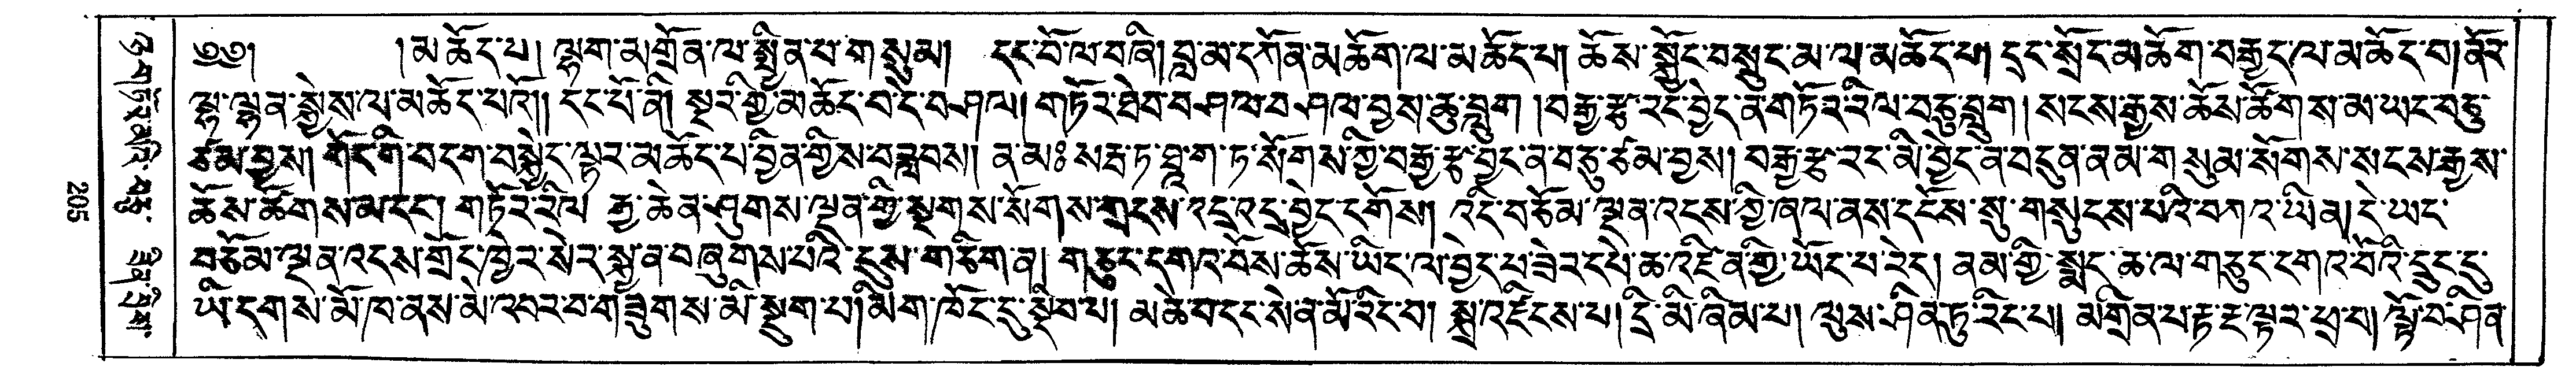༄༅། །མཆོད་པ། ལྷག་མགྲོན་ལ་སྤྱིན་པ་གསུམ། དང་པོ་ལ་བཞི། བླ་མ་དཀོན་མཆོག་ལ་མཆོད་པ། ཆོས་སྐྱོང་བསྲུང་མ་ལ་མཆོད་པ། དྲང་སྲོང་མཆོག་བརྒྱད་ལ་མཆོད་པ། ནོར་
ལྷ་ལྷན་སྐྱེས་ལ་མཆོད་པའོ།། དང་པོ་ནི། སྔར་གྱི་མཆོད་པ་དེ་བཤལ། གཏོར་ཐེབ་བཤལ་བཤལ་བྱས་ཆུ་བླུག །བརྒྱ་རྩ་རང་བྱེད་ན་གཏོར་རིལ་བཅུ་བླུག། སངས་རྒྱས་ཆོས་ཚོགས་མ་ཡང་བཅུ་
ཙམ་བྱས། གོང་གི་བདག་བསྐྱེད་ལྟར་མཆོད་པ་བྱིན་གྱིས་བརླབས། ན་མཿསརྦ་ཏ་ཐཱ་ག་ཏ་སོགས་ཀྱི་བརྒྱ་རྩ་བྱེད་ན་བཅུ་ཙམ་བྱས། བརྒྱ་རྩ་རང་མི་བྱེད་ན་བདུན་ནམ་གསུམ་སོགས་སངས་རྒྱས་
ཆོས་ཚོགས་མ་དང་། གཏོར་རིལ། རྒྱ་ཆེན་ཤུགས་ལྡན་གྱི་སྔགས་སོགས་གྲངས་འདྲ་འདྲ་བྱེད་དགོས། འདི་བཅོམ་ལྡན་འདས་ཀྱི་ཞལ་ནས་དངོས་སུ་གསུངས་བའི་བཀའ་ཡིན། དེ་ཡང་
བཅོམ་ལྡན་འདས་གྲོང་ཁྱེར་སེར་སྐྱ་ན་བཞུགས་པའི་དུས་གཅིག་ན། གཅུང་དགའ་བོས་ཆོས་ཡིད་ལ་བྱེད་པ་ཟེར་དཔེ་ཆ་འཛིན་གྱི་ཡོད་པ་རེད། ནམ་གྱི་སྨང་ཆ་ལ་གཅུང་དགའ་བོའི་དྲུང་དུ་
ཡི་དྭགས་མོ་ཁ་ནས་མེ་འབར་བ་གཟུགས་མི་སྡུག་པ། མིག་ཁོང་དུ་སྡིབ་པ། མཆེ་བ་དང་སེན་མོ་རིང་བ། སྐྲ་འཛིངས་བ། དྲི་མི་ཞིམ་པ། ལུས་ཤིན་ཏུ་རིད་པ། མགྲིན་པ་རྟ་རྔ་ལྟར་ཕྲ་བ། ལྟོ་བ་ཤིན་